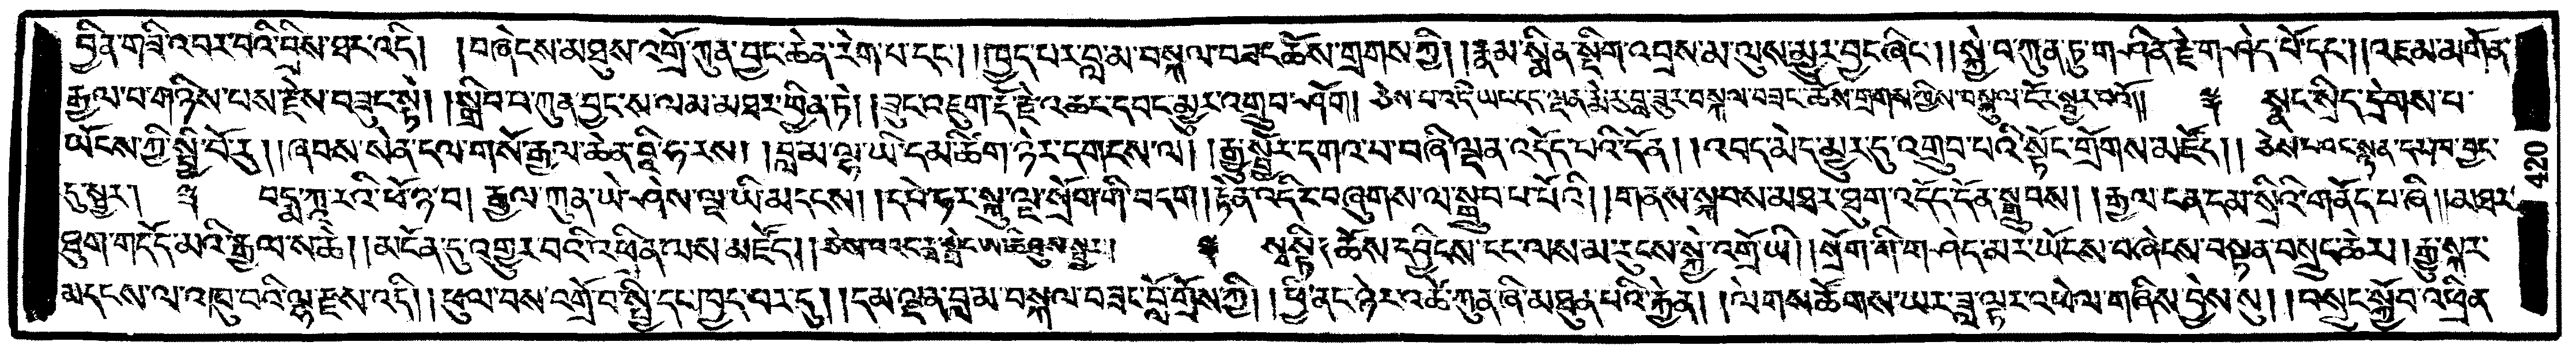བྱིན་གཟི་འབར་བའི་བྲིས་ཐར་འདི། །བཞེངས་མཐུས་འགྲོ་ཀུན་བྱང་ཆེན་རེག་པ་དང་། །ཁྱད་པར་བླ་མ་བསྐལ་བཟང་ཆོས་གྲགས་ཀྱི། །རྣམ་སྨིན་སྡིག་འབྲས་མ་ལུས་མྱུར་བྱང་ཞིང་། །སྐྱེ་བ་ཀུན་ཏུ་གཤིན་རྗེ་གཤེད་པོ་དང་། །འཇམ་མགོན་
རྒྱལ་བ་གཉིས་པས་རྗེས་བཟུང་སྟེ། །སྒྲིབ་བ་ཀུན་བྱང་ས་ལམ་མཐར་ཕྱིན་ཏེ། །ཟུང་འཇུག་རྡོ་རྗེ་འཆང་དབང་མྱུར་འགྲུབ་ཤོག །ཅེས་པ་འདི་ཡང་དད་ལྡན་རྨེ་རུ་བླ་ཟུར་བསྐལ་བཟང་ཆོས་གྲགས་ཀྱིས་བསྐུལ་ངོར་སྦྱར་བའོ།། ༈ སྣང་སྲིད་དྲེགས་པ་
ཡོངས་ཀྱི་སྤྱི་བོ་རུ། །ཞབས་སེན་དལ་གསོལ་རྒྱལ་ཆེན་བཱི་ཧ་རས། །བླ་མ་ལྷ་ཡི་དམ་ཚིག་ཉེར་དགངས་ལ། །རྒྱུ་སྦྱོར་དགའ་བ་བཞི་ལྡན་འདོད་པའི་དོན། །འབད་མེད་མྱུར་དུ་འགྲུབ་པའི་སྟོང་གྲོགས་མཛོད། །ཅེས་པའང་སྙན་དར་ཁ་བྱང་
དུ་སྦྱར། ༈ པདམ་ཀཱ་རའི་ཕོ་ཉ་བ། རྒྱལ་ཀུན་ཡེ་ཤེས་ལྔ་ཡི་མདངས། །དཔེ་ཧར་སྐུ་ལྔ་སྲོག་གི་བདག །རྟེན་འདིར་བཞུགས་ལ་སྒྲུབ་པ་པོའི། །གནས་སྐབས་མཐར་ཐུག་འདོད་དོན་སྒྲུབས། །རྒྱལ་ངན་དམ་སྲིའི་གནོད་པ་ཞི། །མཐར་
ཐུག་གདོད་མའི་རྒྱལ་ས་ཆེ། །མངོན་དུ་འགྱུར་བའི་འཕྲིན་ལས་མཛོད། །ཅེས་པའང་རྭ་སྒྲེང་ཨ་ཆི་ཐུས་སྦྱར། ༈ སྭ་སྟི། ཆོས་དབྱིངས་ངང་ལས་མ་རུངས་སྐྱེ་འགྲོ་ཡི། །སྲོག་གི་གཤེད་མར་ཡོངས་བཞེངས་བསྟན་བསྲུང་ཆེར། །རྒྱུ་སྐར་
མདངས་ལ་འཁུ་བའི་ལྷ་རྫས་འདི། །ཕུལ་བས་འགྲོ་བ་སྤྱི་དང་ཁྱད་པར་དུ། །དམ་ལྡན་བླ་མ་བསྐལ་བཟང་བློ་གྲོས་ཀྱི། །ཕྱི་ནང་ཉེར་འཚེ་ཀུན་ཞི་མཐུན་པའི་རྐྱེན། །ལེགས་ཚོགས་ཡར་ཟླ་ལྟར་འཕེལ་གཞིས་བྱེས་སུ། །བསྲུང་སྐྱོབ་འཕྲིན་